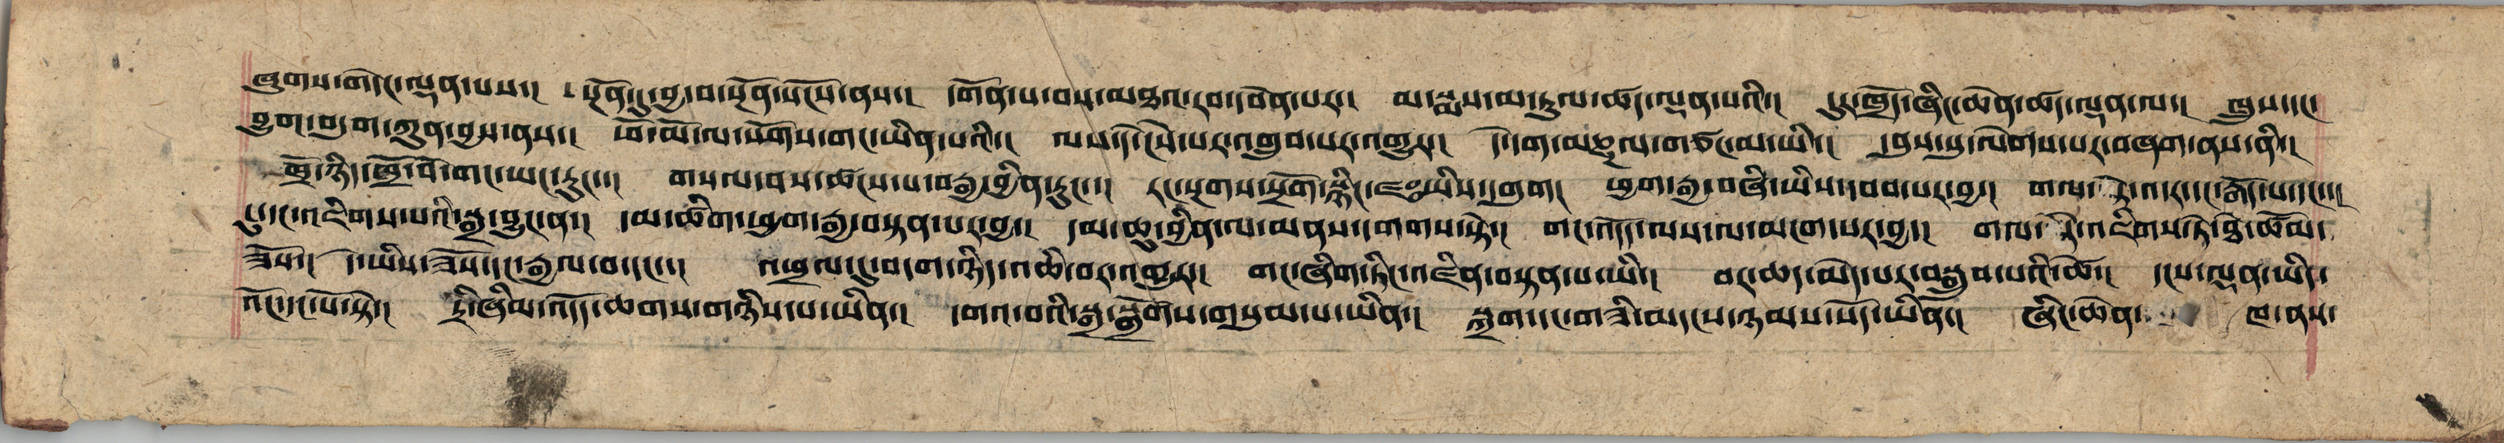ཞུགས་གདེང་ལྡན་པས་། སྔོན་དུ་བྱ་བ་སྔོན་སོངས་ནས་། དགོན་པ་བས་མཐའ་རབ་དབེན་པར་། མ་སྨས་མ་ཏུལ་ཚད་ལྡན་པའི་། དུར་ཁྲོད་ཞིང་ཆེན་ཚད་ལྡན་ལ་། ཁྲུས་དང་
བྱུག་བདུག་ཀུན་བྱས་ནས་། ཕོ་མོ་ལ་སོགས་གང་ཡིན་པའི་། ལས་དེ་ངེས་པར་འགྲུབ་པར་འགྱུར་། དེ་དག་མཎྜལ་གཙང་མ་ཡི་། དབུས་སུ་ལེགས་པར་བཞག་ནས་ནི་།
ཁྲོ་ཉིད་ཁྲོ་བོ་གང་ཡང་རུང་་། གསལ་བས་ཚངས་པ་བརྒྱ་བྱིན་རུང་་། རང་སྔགས་སྲོག་སྙིང་ཛཿཡིས་དགུག། ཕྱག་རྒྱ་བཞི་ཡིས་དབབ་པར་བྱ་། གལ་ཏེ་འདར་དང་རྒོད་པ་དང་་།
ངུ་དང་འཇིགས་པའི་སྒྲ་བྱུང་ན་། དམ་ཚིག་ཕྱག་རྒྱ་བསྟན་པར་བྱ་། དམ་ཆུ་བྱིན་ལ་མནས་དགགས་སྟེ་། གང་འདོད་ལས་ལ་མངག་པར་བྱ་། གལ་ཏེའཇིགས་ཏེ་ཐེ་ཚོམ་
ཟོས་། དེ་ཡིས་ཟོས་དང་རྒྱལ་བ་དང་་། འཕྲལ་དུ་བདག་ཉིད་འཆི་བར་འགྱུར་། གང་ཞིག་ཏིང་འཛིན་བསྟན་པ་ཡི་། བར་ཆད་མེད་པར་བསྒྲུབ་པའི་ཚེ་། དངས་ལྡན་ཡིད་
འོང་དང་པོ་སྟེ་། དྲི་ཞིམ་འདོད་ཆགས་གཉིས་པ་ཡིན་། དགའ་བའི་སྒྲ་སྒྲོགས་གསུམ་པ་ཡིན་། སྐྲག་དང་གཟི་མདངས་ཉམས་སོད་ཡིན་། ཞིང་ཆེན་ ཁ་ནས་